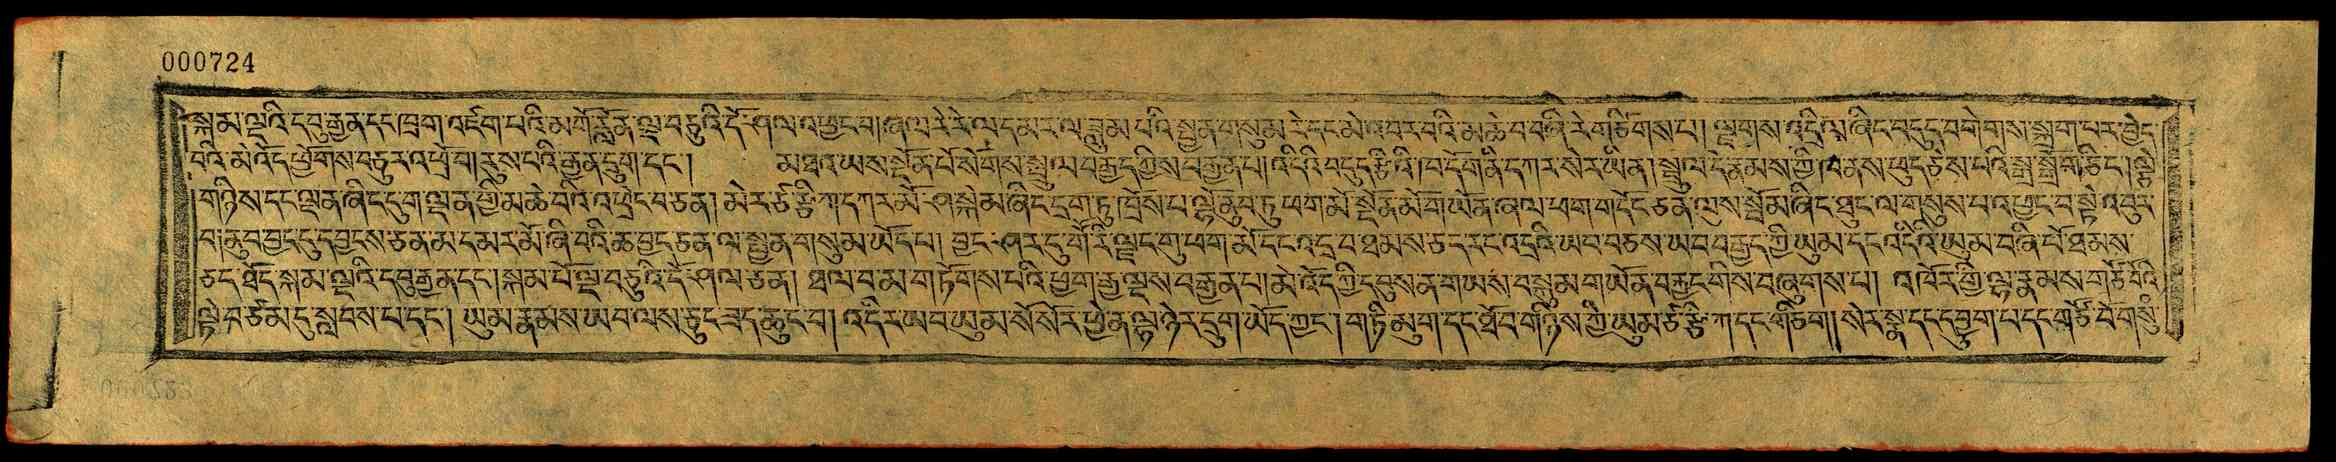སྐམ་ལྔའི་དབུ་རྒྱན་དང་ཁྲག་འཛག་པའི་མགོ་རློན་ལྔ་བཅུའི་དོ་ཤལ་འཕྱང་བ། ཞལ་རེ་རེ་ལ་དམར་ལ་ཟླུམ་པའི་སྤྱན་གསུམ་རེ་དང་མེ་འབར་བའི་མཆེ་བ་བཞི་རེ་གཙིགས་པ། ལྗགས་འདྲིལ་ཞིང་བདུད་བགེགས་སྐྲག་པར་བྱེད་
པའི་མེ་འོད་ཕྱོགས་བཅུར་འཕྲོ་བ། རུས་པའི་རྒྱན་དྲུག་དང་། མཐའ་ཡས་སྔོན་པོ་སོགས་སྦྲུལ་བརྒྱད་ཀྱིས་བརྒྱན་པ། འདིའི་བདུད་རྩིའི་ཁ་དོག་ནི་དཀར་སེར་ཡིན། སྦྲུལ་དེ་རྣམས་ཀྱི་ཁ་ནས་ཕུད་ཅེས་པའི་སྒྲ་སྒྲོག་ཅིང་། ལྕེ་
གཉིས་དང་ལྡན་ཞིང་དུག་ལྡན་གྱི་མཆེ་བའི་འཕྲེང་བ་ཅན། མེར་ཙ་རྩི་ཀ་དཀར་མོ་ཤ་སྐེམ་ཞིང་དྲག་ཏུ་ཁྲོས་པ། ལྷོ་ནུབ་ཏུ་ཕག་མོ་སྔོན་མོ་གཡོན་ཞལ་ཕག་གདོང་ཅན་ལུས་སྦོམ་ཞིང་ཐུང་ལ་གསུས་པ་འཕྱང་བ་སྟེ་འབུར་
བ༑ ནུབ་བྱང་དུ་དབྱངས་ཅན་མ་དམར་མོ་ཞི་བའི་ཆ་བྱད་ཅན་ལ་སྤྱན་གསུམ་ཡོད་པ། བྱང་ཤར་དུ་གཽ་རི་ལྗང་གུ་ཕག་མོ་དང་འདྲ་བ་ཐམས་ཅད་རང་འདྲའི་ཡབ་བཅས་ཡབ་བརྒྱད་ཀྱི་ཡུམ་དང་འདིའི་ཡུམ་བཞི་པོ་ཐམས་
ཅད་ཐོད་སྐམ་ལྔའི་དབུ་རྒྱན་དང་། སྐམ་པོ་ལྔ་བཅུའི་དོ་ཤལ་ཅན། ཐལ་བ་མ་གཏོགས་པའི་ཕྱག་རྒྱ་ལྔས་བརྒྱན་པ། མེ་འོད་ཀྱི་དབུས་ན་གཡས་བསྐུམ་གཡོན་བརྐྱང་གིས་བཞུགས་པ། འཁོར་གྱི་ལྷ་རྣམས་གཙོ་བོའི་
ལྟེ་བ་ཙམ་དུ་སླེབས་པ་དང་། ཡུམ་རྣམས་ཡབ་ལས་ཅུང་ཟད་ཆུང་བ། འདིར་ཡབ་ཡུམ་སོ་སོར་ཕྱེ་ན་ལྷ་ཉེར་དྲུག་ཡོད་ཀྱང་། གཏི་མུག་དང་ཐོ་བ་གཉིས་ཀྱི་ཡུམ་ཙ་རྩི་ཀ་དང་གཅིག། སེར་སྣ་དང་དབྱུག་པ་དང་གཙོ་བོ་གསུཾ་